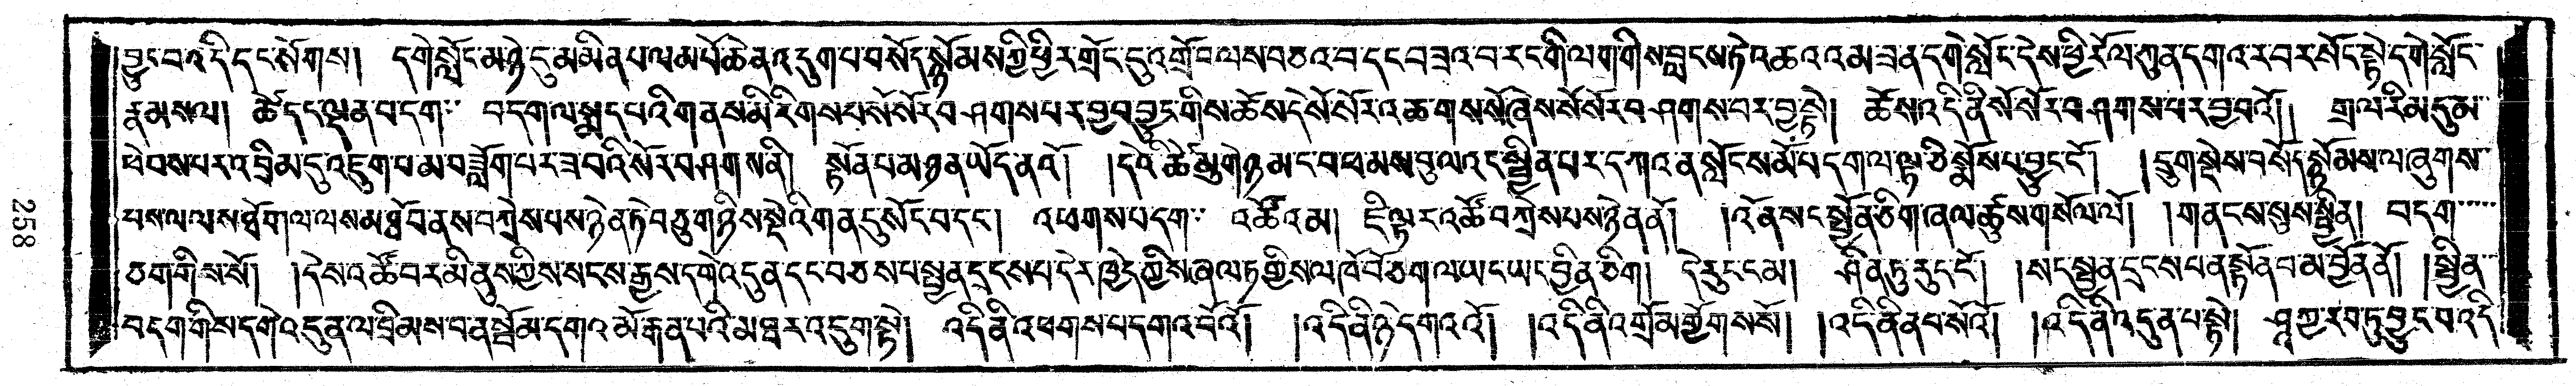བྱུང་བ་འདི་དང་སོགས། དགེ་སློང་མ་ཉེ་དུ་མ་མིན་པ་ལམ་པོ་ཆེན་འདུག་པ་བསོད་སྙོམས་ཀྱི་ཕྱིར་གྲོང་དུ་འགྲོ་བ་ལས་བཅའ་བ་དང་བཟའ་བ་རང་གིས་བླངས་ཏེ་འཆ་འམ་ཟན་དགེ་སློང་དེས་ཕྱི་རོལ་ཀུན་དགའ་ར་བར་སོང་སྟེ་དགེ་སློང་
རྣམས་ལ། ཚེ་དང་ལྡན་པ་དག་བདག་ལ་སྨད་པའི་གནས་མི་རིགས་པ་སོ་སོར་བཤགས་པར་བྱ་བ་བྱུང་གིས་ཆོས་དེ་སོ་སོར་འཆགས་སོ་ཞེས་སོ་སོར་བཤགས་པར་བྱ་སྟེ། ཆོས་འདི་ནི་སོ་སོར་བཤགས་པར་བྱ་བའོ།། གྲལ་རིམ་དུ་མ་
ཕེབས་པར་འབྲིམ་དུ་འཇུག་པ་མ་བཟློག་པར་ཟ་བའི་སོར་བཤགས་ནི། སྟོན་པ་མཉན་ཡོད་ནའོ། །དེའི་ཚེ་མུ་གེ་ཉམ་ང་བ་ཕ་མས་བུ་ལའང་སྦྱིན་པར་དཀའ་ན་སློངས་མོ་བདག་ལ་ལྟ་ཅི་སྨོས་པ་བྱུང་ངོ། །དྲུག་སྡེས་བསོད་སྙོམས་ལ་ཞུགས་
པས་ལ་ལས་ཐོག་ལ་ལས་མ་ཐོབ་ནས་བཀྲེས་པས་ཉེན་ཏེ་བཅུ་གཉིས་དེའི་གན་དུ་སོང་བ་དང་། འཕགས་པ་དག་འཚོའམ། ཇི་ལྟར་འཚོ་བཀྲེས་པས་ཉེན་ནོ། །འོ་ན་སང་སྤྱོན་ཅིག་ཞལ་ཚུས་གསོལ་ལོ། །གནངས་སུས་སྦྱིན། བདག་
ཅག་གིས་སོ། །དེས་འཚོ་བར་མི་ནུས་ཀྱིས་སངས་རྒྱས་དགེ་འདུན་དང་བཅས་པ་སྤྱན་དྲངས་པ་དེར་ཁྱེད་ཀྱིས་ཞལ་ཏ་གྱིས་ལ་ཁོ་བོ་ཅག་ལ་ཡང་ཡང་བྱིན་ཅིག། དེ་རུང་ངམ། ཤིན་ཏུ་རུང་ངོ། །སད་སྤྱན་དྲངས་པ་ན་སྟོན་པ་མ་བྱོན་ནོ། །སྦྱིན་
བདག་གིས་དགེ་འདུན་ལ་བྲིམས་པ་ན་སྦོམ་དགའ་མོ་རྒན་པའི་མཐར་འདུག་སྟེ། འདི་ནི་འཕགས་པ་དགའ་བོའོ། །འདི་ནི་ཉེ་དགའ་འོ། །འདི་ནི་འགྲོ་མགྱོགས་སོ། །འདི་ནི་ནབ་སོའོ། །འདི་ནི་འདུན་པ་སྟེ། ཤཱཀྱ་རབ་ཏུ་བྱུང་བ་འདི་